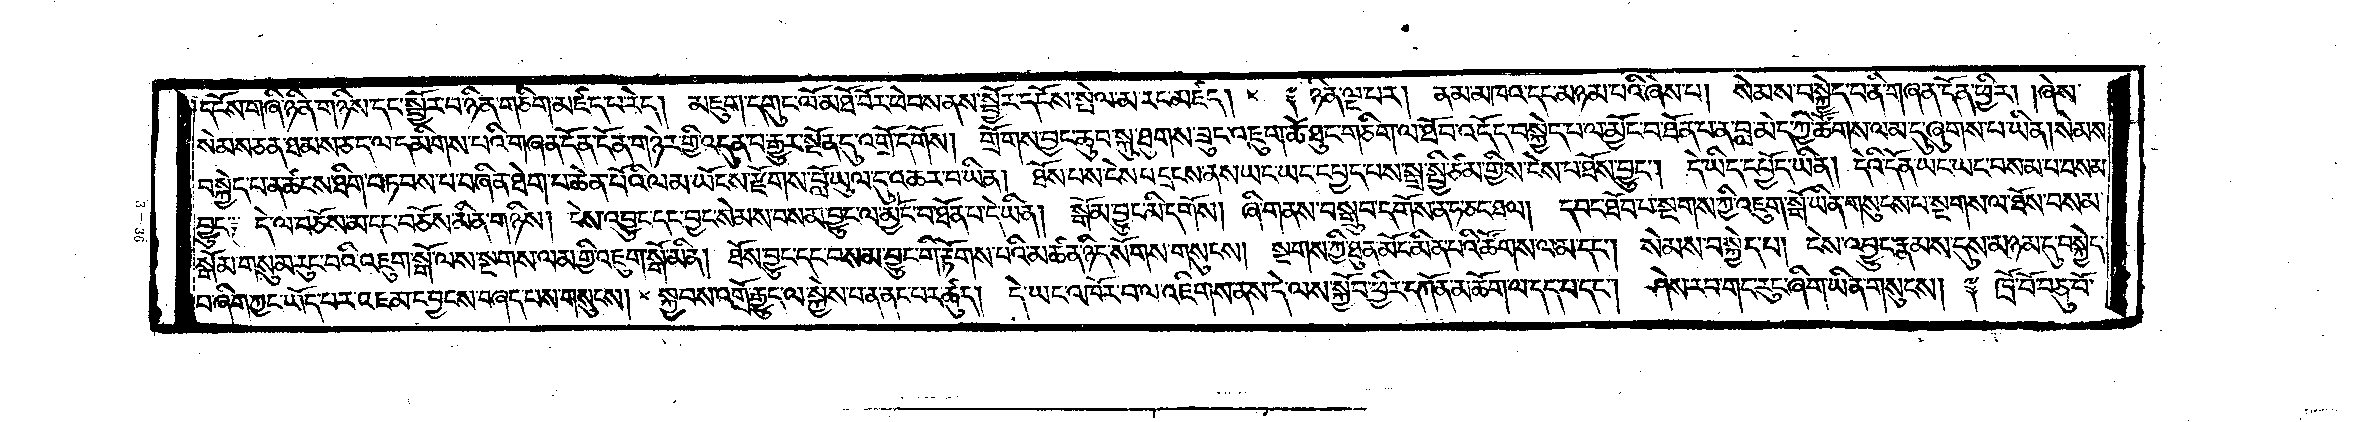དུ?་བཞི་ནི་གཉིས་དང་སྦྱོང་པ་ཉིན་གཅིག་མཛད་པ་རེད། མཇུག་དགུང་ལོ་མཐོ་བོར་ཕེབས་ནས་སྦྱོར་དངོས་སྤེལ་མ་རང་མཛད། ྾་༈ ཉིན་ལྔ་པར། ནམ་མཁའ་དང་མཉམ་པའི་ཞེས་པ། སེམས་བསྐྱེད་པ་ནི་གཞན་དོན་ཕྱིར། །ཞེས་
སེམས་ཅན་ཐམས་ཅད་ལ་དམིགས་པའི་གཞན་དོན་དོན་གཉེར་གྱི་འདུན་པ་རྒྱུར་སྔོན་དུ་འགྲོ་དགོས། གྲོགས་བྱང་ཆུབ་སྐུ་ཐུགས་ཟུང་འཇུག་ཚེ་ཐུང་གཅིག་ལ་ཐོབ་འདོད་བསྐྱེད་པ་ལ་མྱོང་བ་ཐོན་པ་ན་བླ་མེད་ཀྱི་ཚོགས་ལམ་དུ་བཞུགས་པ་ཡིན། སེམས་
བསྐྱེད་པ་ན་ཚངས་ཐིག་བཏབས་པ་བཞིན་ཐེག་པ་ཆེན་པོའི་ལམ་ཡོངས་རྫོགས་བློ་ཡུལ་དུ་འཆར་བ་ཡིན། ཐོས་པས་ངེས་པ་དྲངས་ནས་ཡང་ཡང་དཔྱད་པས་སྒྲ་སྤྱི་ཙམ་གྱིས་ངེས་པ་ཐོས་བྱུང་། དེ་ཡིད་དཔྱོད་ཡིན། དེའི་དོན་ཡང་ཡང་བསམ་པ་བསམ་
བྱུང༑ དེ་ལ་བཅོས་མ་དང་བཅོས་མིན་གཉིས། ངེས་འབྱུང་དང་བྱང་སེམས་བསམ་བྱུང་ལ་མྱོང་བ་ཐོན་པ་དེ་ཡིན། སྒོམ་བྱུང་མི་དགོས། ཞི་གནས་བསྒྲུབ་དགོས་ན་ཧ་ཅང་ཐལ། དབང་ཐོབ་པ་སྔགས་ཀྱི་འཇུག་སྒོ་ཡིན་གསུངས་པ་སྔགས་ལ་ཐོས་བསམ་
སྒོམ་གསུམ་རུང་བའི་འཇུག་སྒོ་ལས་སྔགས་ལམ་གྱི་འཇུག་སྒོམ་ནི། ཐོས་བྱུང་དང་བསམ་བྱུང་གི་རྟོགས་པའི་མཚན་ཉིད་སོགས་གསུངས། སྔགས་ཀྱི་ཐུན་མོང་མིན་པའི་ཚོགས་ལམ་དང་། སེམས་བསྐྱེད་པ། ངེས་འབྱུང་རྣམས་དུས་མཉམ་དུ་བསྐྱེད་
པ་ཞིག་ཀྱང་ཡོད་པར་འཇམ་དབྱངས་བཞད་པས་གསུངས། ྾་སྐྱབས་འགྲོ་རྒྱུད་ལ་སྐྱེས་པ་ན་ནང་པར་ཚུད། དེ་ཡང་འཁོར་བ་ལ་འཇིགས་ནས་དེ་ལས་སྐྱོབ་ཕྱིར་དཀོན་མཆོག་ལ་དད་པ་དང་། ཤེས་རབ་གང་རུང་ཞིག་ཡིན་གསུངས། ༈ ཁྲོ་བོ་བཅུ་པོ་